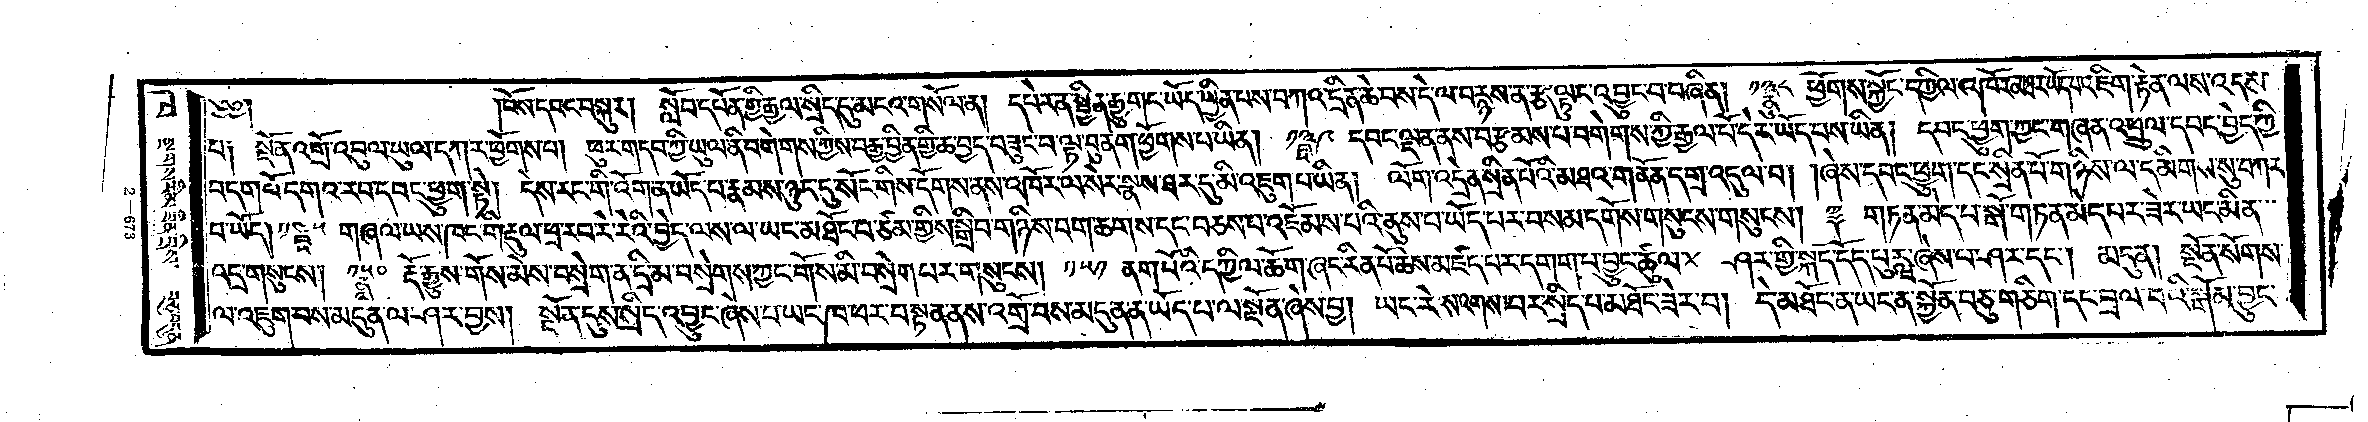༄༅། །བོས་དབང་བསྐུར། སློབ་དཔོན་གྱི་རྒྱལ་སྲིད་དུ་མངའ་གསོལ་ན། དཔེར་ན་སྦྱིན་རྒྱུ་གང་ཡོད་ཕྱིན་པས་བཀའ་དྲིན་ཆེ་བས་དེ་ལ་བརྙས་ན་རྩ་ལྟུང་འབྱུང་བ་བཞིན། ༡༣༨ན༦་ཕྱོགས་སྐྱོང་དཀྱིལ་འཁོར་མཐར་ཡོད་པ་འཇིག་རྟེན་ལས་འདས་
པ༑ སྔོན་འགྲོ་འབུལ་ཡུལ་དཀར་ཕྱོགས་པ། ཕུར་གདབ་ཀྱི་ཡུལ་ནི་བགེགས་ཀྱིས་བརྒྱ་བྱིན་གྱི་ཆ་བྱད་བཟུང་བ་ལྟ་བུ་ནག་ཕྱོགས་པ་ཡིན། ༡༣༩བ༥་དབང་ལྡན་ནས་བརྩམས་པ་བགེགས་ཀྱི་རྒྱལ་པོ་དེར་ཡོད་པས་ཡིན། དབང་ཕྱུག་ཀྱང་གཞན་འཕྲུལ་དབང་བྱེད་ཀྱི་
བདག་པོ་དགའ་རབ་དབང་ཕྱུག་སྟེ། དེས་རང་གི་འོག་ན་ཡོད་པ་རྣམས་ཉུང་དུ་སོང་གིས་དོགས་ནས་འཁོར་ལ་སེར་སྣས་ཐར་དུ་མི་འཇུག་པ་ཡིན། ལོག་འདྲེན་སྲིན་པོའི་མཐའ་གནོན་དགྲ་འདུལ་བ། །ཞེས་དབང་ཕྱུག་དང་སྲིན་པོ་གཉིས་ལ་དམིགས་སུ་བཀར་
བ་ཡོད། ༡༤༥བ༥་གཞལ་ཡས་ཁང་གི་རྡུལ་ཕྲ་རབ་རེ་རེའི་བྱེད་ལས་ལ་ཡང་མཐོང་བ་ཙམ་གྱིས་སྒྲིབ་གཉིས་བག་ཆགས་དང་བཅས་པ་འཇོམས་པའི་ནུས་པ་ཡོད་པར་བསམ་དགོས་གསུངས་གསུངས། ༈ གཏན་མེད་པ་སྒོ་གཏན་མེད་པར་ཟེར་ཡང་མིན་
འདྲ་གསུངས། ༡༥༠ན༢་རྡོ་རྒྱུས་གོས་མེས་བསྲེག་ན་དྲི་མ་བསྲེགས་ཀྱང་གོས་མི་བསྲེག་པར་གསུངས། ༡༥༡་ནག་པོའི་དཀྱིལ་ཆོག་ཞང་རིན་པོ་ཆེས་མཛད་པར་དགག་པ་བྱུང་ཚུལ་྾་ཤར་གྱི་སྐད་དོད་པུརྭ་ཞེས་པ་ཤར་དང་། མདུན། སྔོན་སོགས་
ལ་འཇུག་པས་མདུན་ལ་ཤར་བྱས། སྔོན་དུས་སྲིད་འབྱུང་ཞེས་པ་ཡང་ཁ་ཕར་བསྟན་ནས་འགྲོ་བས་མདུན་ན་ཡོད་པ་ལ་སྔོན་ཞེས་བྱ། ཡང་རེས་འགས་པར་སྲིད་པ་མཐོང་ཟེར་པ། དེ་མཐོང་ན་ཡང་ན་སྐྱོན་བཅུ་གཅིག་དང་བྲལ་བའི་སྒོམ་བྱུང་